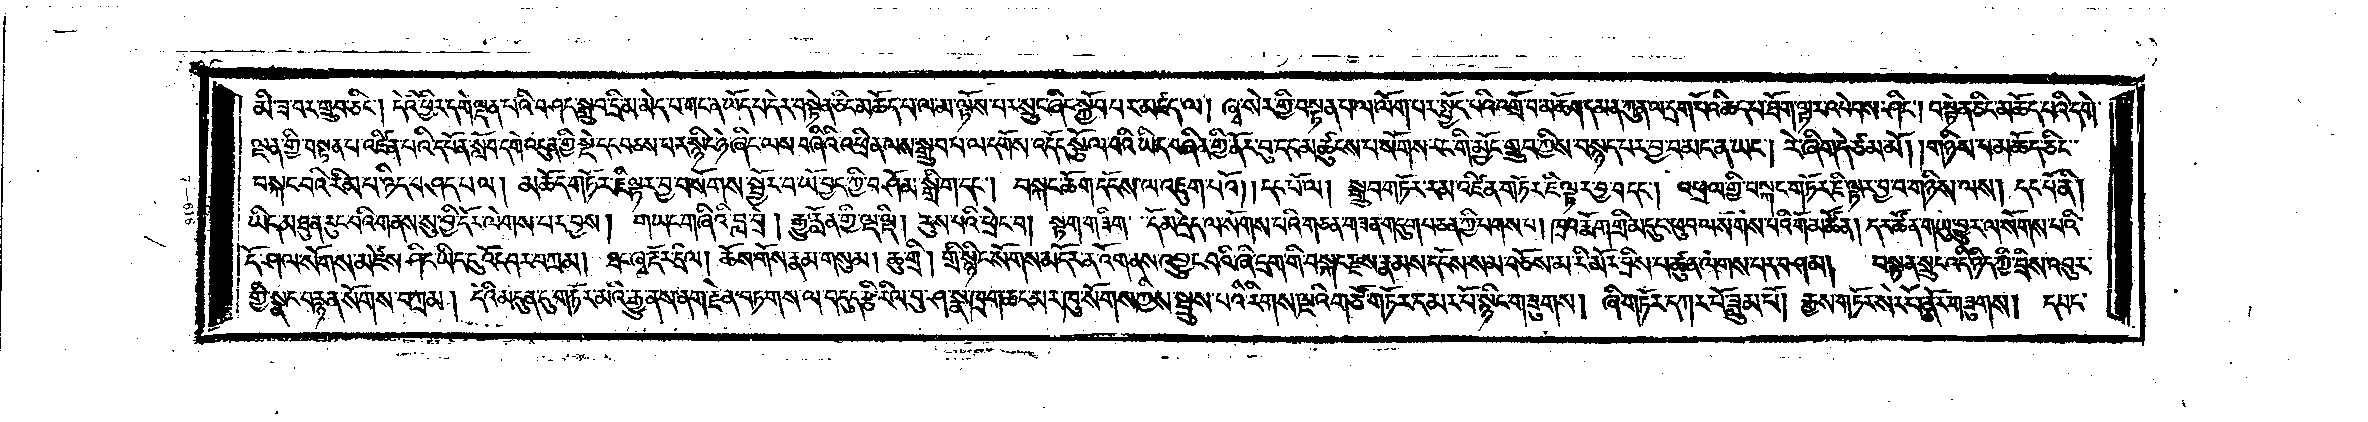མི་ཟ་བར་གྲུབ་ཅིང་། དེའི་ཕྱིར་དགེ་ལྡན་པའི་བཤད་སྒྲུབ་དྲི་མ་མེད་པ་གང་ན་ཡོད་པ་དེར་བསྟེན་ཅིང་མཆོད་པ་ལ་མ་ལྟོས་པར་སྲུང་ཞིང་སྐྱོབ་བར་མཛད་ལ། ཞྭ་སེར་གྱི་བསྟན་པ་ལ་ལོག་པར་སྤྱོད་པའི་འགྲོལ་མཆོག་དམན་ཐུན་ལ་དྲག་པོའི་ཆད་པ་ཐོག་ལྟར་འཕེབས་ཤིང་། བསྟེན་ཅིང་མཆོད་པའི་དགེ་
ལྡན་གྱི་བསྟན་པ་འཛིན་པའི་དཔོན་སློབ་དགེ་འདུན་གྱི་སྡེ་དང་བཅས་པར་སྙིང་ཉེ་ཞིང་ལས་བཞིའི་འཕྲིན་ལས་སྒྲུབ་པ་ལ་དགོས་འདོད་སྩོལ་པའི་ཡིད་བཞིན་གྱི་ནོར་བུ་དང་མཚུངས་པ་སོགས་རང་གི་མྱོང་སྒྲུབ་ཀྱིས་བསྙད་པར་བྱ་བ་མང་ན་ཡང་། རེ་ཞིག་དེ་ཙམ་མོ། །གཉིས་པ་མཆོད་ཅིང་
བསྐང་བའི་རིམ་པ་ཉིད་བཤད་པ་ལ། མཆོག་གཏོར་ཇི་ལྟར་བྱ་བ་སོགས་སྦྱོར་བ་ཡོ་བྱད་ཀྱི་བཤོམ་སྒྲིག་དང་། བསྐང་ཆོག་དངོས་ལ་འཇུག་པའོ། །དང་པོ་ལ། སྒྲུབ་གཏོར་རམ་འཛིན་གཏོར་ཇི་ལྟར་བྱ་བ་དང་། འཕྲལ་གྱི་བསྐང་གཏོར་ཇི་ལྟར་བྱ་བ་གཉིས་ལས། དང་པོ་ནི།
ཡིད་མཐུན་རུང་བའི་གནས་སུ་བྱི་དོར་ལེགས་པར་བྱས། གཡང་གཞིའི་བླ་བྲེ། རྒྱུ་རློང་གྱི་ལྡ་ལྡི། རུས་པའི་ཕྲེང་བ། སྟག་གཟིག་དོམ་དྲེད་ལ་སོགས་པའི་གཅན་གཟན་གདུག་པ་ཅན་གྱི་པགས་པ། ཁྲབ་རྨོག་གྲིམ་དུང་ཕུབ་ལ་སོགས་པའི་གོམ་ཚོན། དེས་ཚོན་གཡུ་བྱུར་ལ་སོགས་པའི་
དོ་ཤལ་སོགས་མཛེས་ཤིང་ཡིད་དུ་འོང་བར་བཀྲམ། ཐ?་རྡོར་དྲིལ། ཆོས་གོས་རྣམ་གསུམ། ཆུ་གྲི། གྲི་སྙིང་སོགས་མདོར་ན་འོག་ནས་འབྱུང་བའི་ཞི་དྲག་གི་བསྐང་རྫས་རྣམས་དངོས་སམ་བཅོས་མ་རི་མོར་བྲིས་པ་ཚུན་ལེགས་པར་བཤམ། བསྟན་སྲུང་འདི་ཉིད་ཀྱི་བྲིས་འབུར་
གྱི་སྣང་བརྙན་སོགས་བཀྲམ། དེའི་མདུན་དུ་གཏོར་མའི་རྒྱུ་ནས་ནག་རྗེན་བཏགས་ལ་བདུད་རྩི་རིལ་བུ་ཤ་སྣ་ཁྲག་ཆང་མར་ཁུ་སོགས་ཀྱིས་སྦྲུས་པའི་རིགས་ལྔའི་གཙོ་གཏོར་དམར་པོ་སྙིང་གཟུགས། ཞི་གཏོར་དཀར་པོ་ཟླུམ་པོ། རྒྱས་གཏོར་སེར་པོ་ནོར་གཟུགས། དབང་